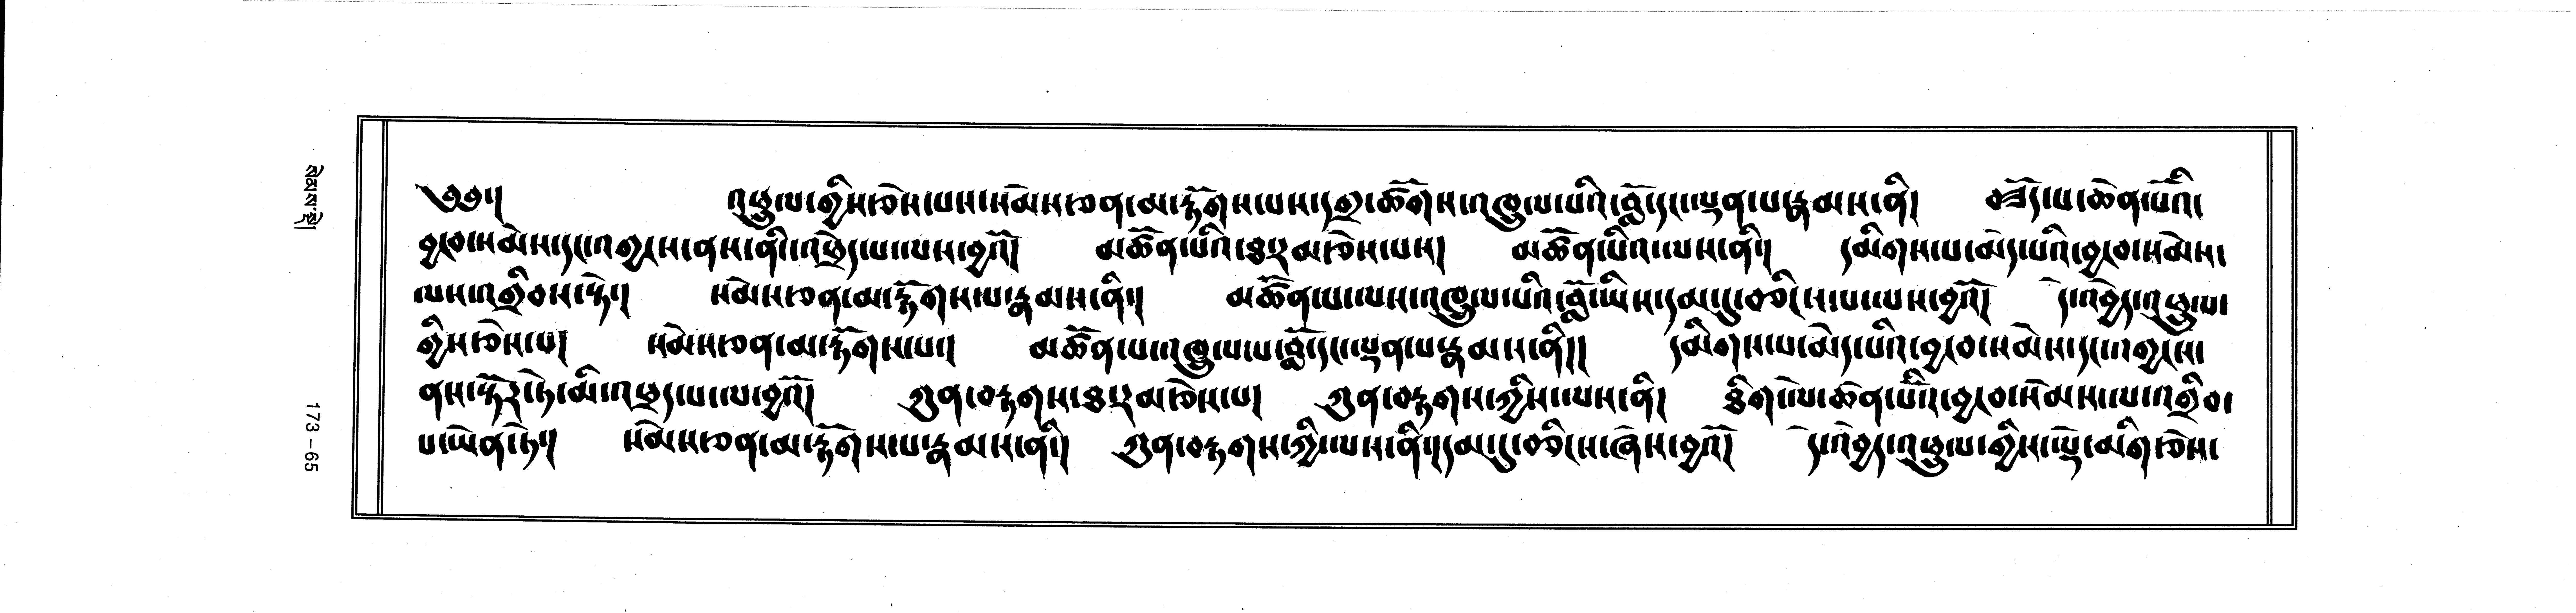འཕྲུལ་གྱིས་ཅེས་པས། སེམས་ཅན་མ་རྟོགས་པས་དགྲ་ཚོགས་འཁྲུལ་པའི་བློ་དང་ལྡན་པ་རྣམས་ནི་བཟོད་པ་ཆེན་པོའི་
བྱང་ཆུབ་སེམས་དང་འགྱངས་ནས་ནི་འཕྲད་པ་ལ་བྱའོ། །མཚོན་པའི་ཐ་རམས་ཅེས་པས། མཚོན་པའི་ལས་ནི། དམིགས་པ་མེད་པའི་བྱང་ཆུབ་སེམས་
ལས་འགྲིབས་ཏེ། སེམས་ཅན་མ་རྟོགས་པ་རྣམས་ནི། མཚོན་པ་ལས་འཁྲུལ་པའི་བློ་ཡིས་དམ་དུ་བཅིངས་པ་ལ་བྱའོ། །དེ་འབྱེད་འཕྲུལ་
གྱིས་ཅེས་པས། སེམས་ཅན་མ་རྟོགས་པ་མཚོན་པ་འཁྲུལ་པའི་བློ་དང་ལྡན་པ་རྣམས་ནི། དམིགས་པ་མེད་པའི་བྱང་ཆུབ་སེམས་དང་འགྱངས་
ནས་སྟོར་ཏེ་མི་འཕྲད་པ་ལ་བྱའོ། །ཀུན་བཏགས་ཐ་རམ་ཅེས་པ། ཀུན་བརྟགས་ཀྱི་ལས་ནི། ཐིག་ལེ་ཆེན་པོའི་བྱང་ཆུབ་སེམས་ལ་འགྲིབ་
པ་ཡིན་ཏེ། སེམས་ཅན་མ་རྟོགས་པ་བླང་དོར་འཁྲུལ་པའི་བློ་དང་ལྡན་པ་རྣམས་ནི། ཀུན་བཏགས་ཀྱི་ལས་ནི་དམ་དུ་བཅིངས་ཞེས་བྱའོ། །དེ་འབྱེད་འཕྲུལ་གྱི་ལྡེ་མིག་ཅེས་